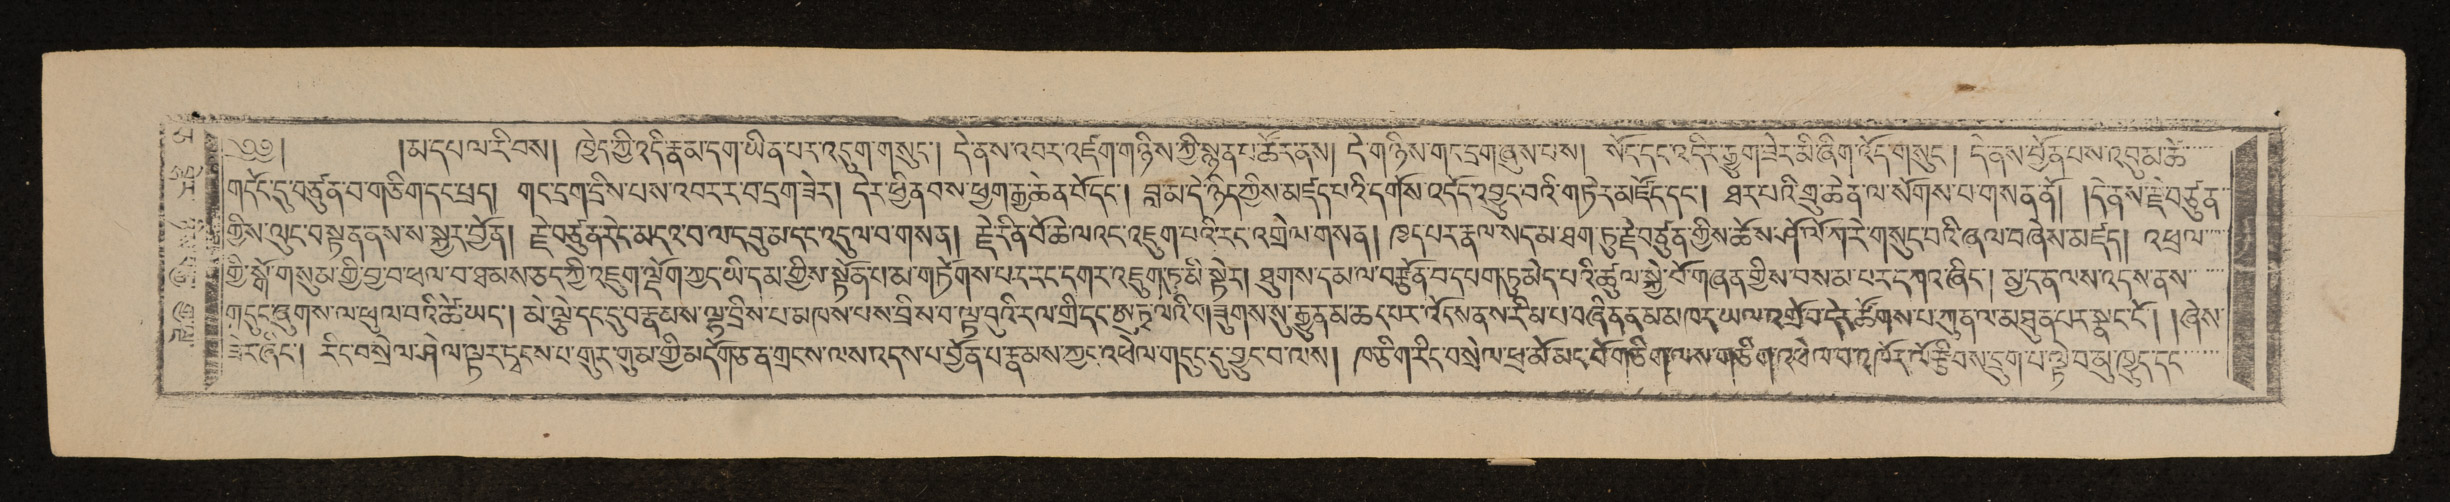༄༅། །མ་དཔལ་རི་བས། ཁྱེད་ཀྱི་འདི་རྣམ་དག་ཡིན་པར་འདུག་གསུང་། དེ་ནས་འབར་འཛག་གཉིས་ཀྱི་སྙན་པ་ཚོར་ནས། དེ་གཉིས་གང་དྲག་ཞུས་པས། སོང་དང་འདིར་རྒྱུག་ཟེར་མི་ཞིག་འོང་གསུང་། དེ་ནས་བྱོན་པས་འབུམ་ཚེ་
གདོང་དུ་བཙུན་པ་གཅིག་དང་ཕྲད། གང་དྲག་དྲིས་པས་འབར་ར་པ་དྲག་ཟེར། དེར་ཕྱིན་པས་ཕྱག་རྒྱ་ཆེན་པོ་དང་། བླ་མ་དེ་ཉིད་ཀྱིས་མཛད་པའི་དགོས་འདོད་འབྱུང་བའི་གཏེར་མཛོད་དང་། ཐར་པའི་གྲུ་ཆེན་ལ་སོགས་པ་གསན་ནོ། །དེ་ནས་རྗེ་བཙུན་
གྱིས་ལུང་བསྟན་ནས་ས་སྐྱར་བྱོན། རྗེ་བཙུན་རེད་མདའ་བ་ལ་དབུ་མ་དང་འདུལ་བ་གསན། རྗེ་རིན་པོ་ཆེ་ལའང་འཇུག་པའི་རང་འགྲེལ་གསན། ཁྱད་པར་རྣལ་སད་མ་ཐག་ཏུ་རྗེ་བཙུན་གྱིས་ཆོས་ཤོ་ལོ་ཀ་རེ་གསུང་བའི་ཞལ་བཞེས་མཛད། འཕྲལ་
གྱི་སྒོ་གསུམ་གྱི་བྱ་བ་ཕལ་བ་ཐམས་ཅད་ཀྱི་འཇུག་ལྡོག་ཀྱང་ཡི་དམ་གྱིས་སྟོན་པ་མ་གཏོགས་པར་རང་དགར་འཇུག་ཏུ་མི་སྟེར། ཐུགས་དམ་ལ་བརྩོན་པ་དཔག་ཏུ་མེད་པའི་ཚུལ་སྐྱེ་བོ་གཞན་གྱིས་བསམ་པར་དཀའ་ཞིང་། མྱ་ངན་ལས་འདས་ནས་
གདུང་ཞུགས་ལ་ཕུལ་བའི་ཚེ་ཡང་། མེ་ལྕེ་དང་དུ་བ་རྣམས་ལྷ་བྲིས་པ་མཁས་པས་བྲིས་པ་ལྟ་བུའི་རལ་གྲི་དང་ཨུཏྤ་ལའི་གཟུགས་སུ་རྒྱུན་མ་ཆད་པར་འོངས་ནས་རིམ་པ་བཞིན་ནམ་མཁར་ཡལ་འགྲོ་བ་དེར་ཚོགས་པ་ཀུན་ལ་མཐུན་པར་སྣང་ངོ། །ཞེས་
ཟེར་ཞིང་། རིང་བསྲེལ་ཤེལ་ལྟར་དྭངས་པ་གུར་གུམ་གྱི་མདོག་ཅན་གྲངས་ལས་འདས་པ་བྱོན་པ་རྣམས་ཀྱང་འཕེལ་གདུང་དུ་གྱུར་པ་ལས། ཁ་ཅིག་རིང་བསྲེལ་ཕྲ་མོ་མང་པོ་གཅིག་ལས་གཅིག་འཕེལ་བ་འཁོར་ལོ་རྩིབས་དྲུག་པ་ལྟེ་བ་མུ་ཁྱུད་དང་